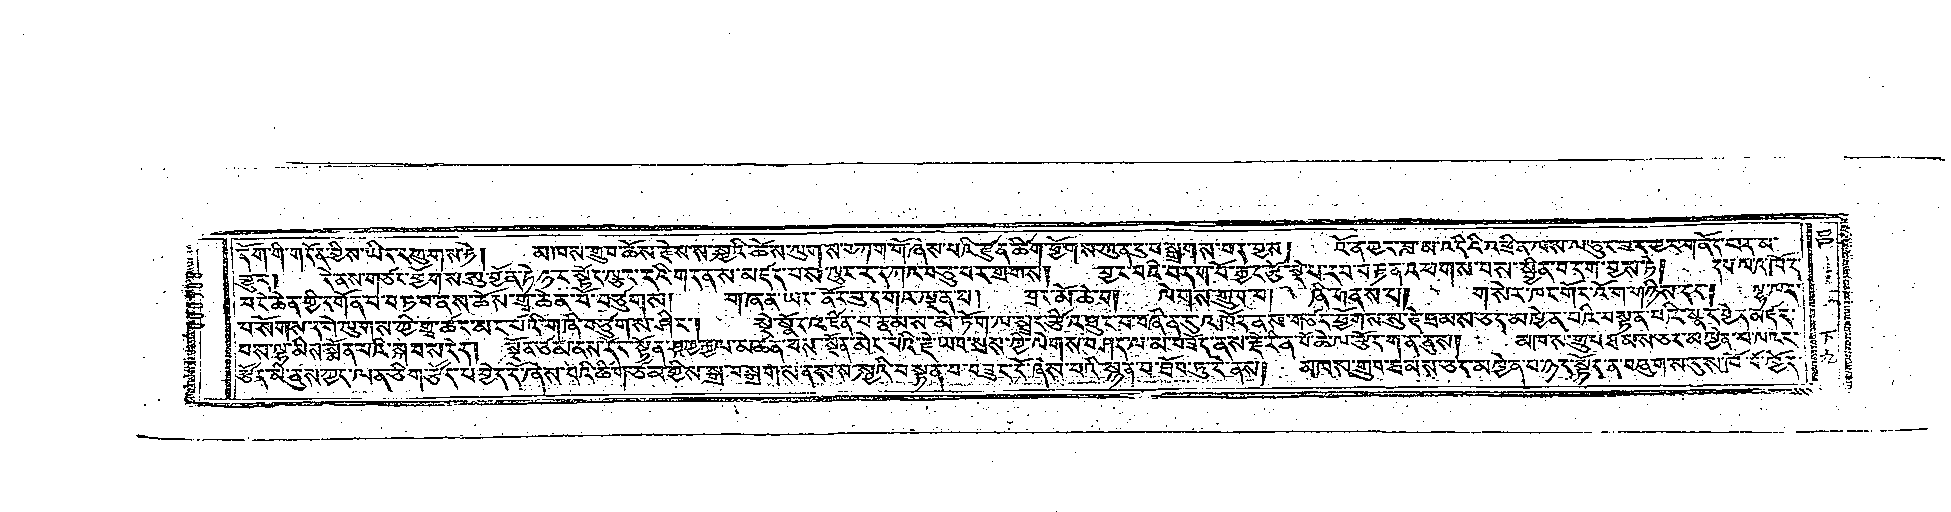དོག་གི་གདོན་གྱིས་ཡིད་དཀྲུགས་ཏེ། མཁས་གྲུབ་ཆོས་རྗེས་ས་སྐྱེའི་ཆོས་ལུགས་བཀག་གོ་ཞེས་པའི་རྫུན་ཚིག་ཕྱོགས་ཀུན་དུ་བསྒྲགས་པར་བྱས། འོ་ན་ཀྱང་བླ་མ་འདིའི་འཕྲིན་ལས་ལ་ཅུང་ཟད་ཀྱང་གནོད་པར་མ་
གྱུར། དེ་ནས་གཙང་ཕྱོགས་སུ་བྱོན་ཏེ་ཉང་སྟོང་ལྕང་རའི་གདན་ས་མཛད་པས་ལྕང་ར་དཀའ་བཅུ་པར་གྲགས། བྱང་པའི་བདག་པོ་རྒྱང་རྩེ་ལྡེ་པ་རབ་བརྟན་འཕགས་པས་སྦྱིན་བདག་བྱས་ཏེ། དཔལ་འཁོར་
བདེ་ཆེན་གྱི་དགོན་པ་བཏབ་ནས་ཆོས་གྲྭ་ཆེན་པོ་བཙུགས། གཞན་ཡང་ནོར་བུ་དགའ་ལྡན་པ། བྲང་མོ་ཆེ་བ། ལེགས་གྲུབ་པ། ཞི་གནས་པ། གསེར་ཁང་གོང་འོག་གཉིས་དང་། ལྷ་ལང་
པ་སོགས་དགེ་ལུགས་ཀྱི་གྲྭ་ཚང་མང་པོའི་གཞི་བཙུགས་ཤིང་། སྡེ་སྣོད་འཛིན་པ་རྣམས་མེ་ཏོག་ལ་སྦྲང་རྩི་འཐུང་བ་བཞིན་དུ་འཁོར་ནས་གཙང་ཕྱོགས་སུ་རྗེ་ཐམས་ཅད་མཁྱེན་པའི་བསྟན་པའི་སྣང་བྱེད་མཛད་
པས་ལྷ་མིས་སྨོན་པའི་སྐབས་དེར། སྔོན་ཙམ་ནས་རོང་སྟོན་ཤཱཀྱ་རྒྱལ་མཚན་པས་སྔོན་མེད་པའི་རྗེ་ཡབ་སྲས་ཀྱི་ལེགས་བཤད་ལ་མ་བཟོད་ནས་རྗེ་རིན་པོ་ཆེ་ལ་རྩོད་ག་ན་ནུས། མཁས་གྲུབ་ཐམས་ཅད་མཁྱེན་བ་ལའང་
རྩོད་མི་ནུས་ཀྱང་ལན་ཅིག་རྩོད་པ་བྱེད་དོ་ཞེས་པའི་ཚིག་ཙམ་གྱིས་སྒྲ་བསྒྲགས་ནས་ས་སྐྱའི་བསྟན་པ་བཟུང་དོ་ཞེས་པའི་སྙན་པ་ཐོབ་ཏུ་དེ་ནས། མཁས་གྲུབ་ཐམས་ཅད་མཁྱེན་པ་ཉང་སྟོད་ན་བཞུགས་དུས་ཁོ་བོ་ཁྱོད་